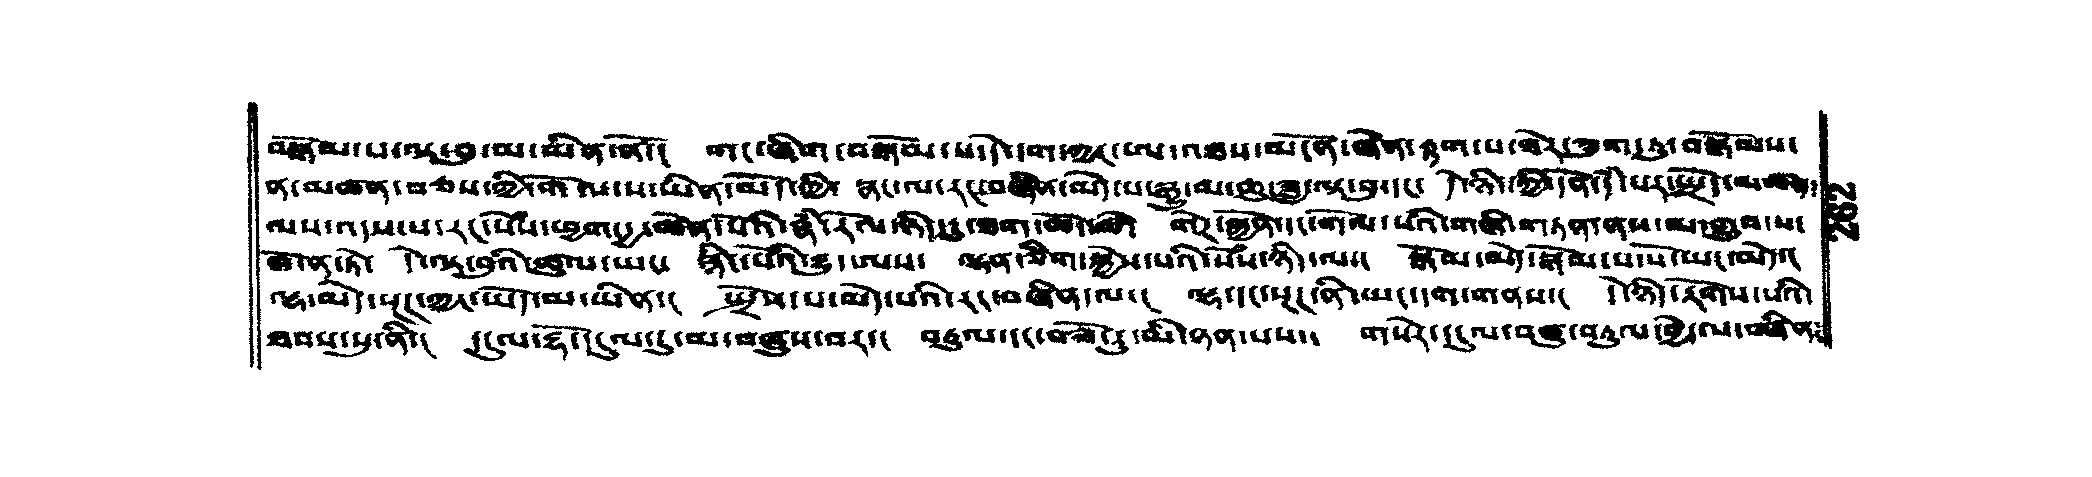བསྒོམ་པ་ལྟ་བུ་མ་ཡིན་ནོ། གང་ཞིག་བསྒོམ་པ་དེ་དག་ཀྱང་ཨ་འཐས་མངོན་ཞེན་རྟག་པ་ཐེར་ཟུག་ཏུ་བསྒོམས་
ན་མཚན་བཅས་ཀྱི་གོལ་ས་ཡིན་མོད་ཀྱི། སྣང་ལ་རང་བཞིན་མེད་པ་སྒྱུ་མ་ཆུ་ཟླ་ལྟ་བུ་དང་། དེ་ཉིད་ཀྱང་དོན་དམ་པར་སྤྲོས་མཚན་
ལས་འདས་པ་རང་སེམས་ཕྱག་རྒྱ་ཆེན་པོའི་རྣམ་རོལ་ཉིད་ཏུ་ཐག་ཆོད་ཚེ། གེགས་སྐྱོན་དང་གོལ་སའི་གཞི་གཏན་ནས་མ་གྲུབ་པ་
ཁོ་ན་སྟེ། དེ་ལྟ་བུའི་ཚུལ་ཡང་། སྙིང་པོའི་རྒྱུད་ལས། ལྷན་ཅིག་སྐྱེས་པའི་སེམས་ཉིད་ལ། །སྒོམ་མེད་སྒོམ་པ་པོ་ཡང་མེད། །
ལྷ་མེད་སྔགས་ཀྱང་ཡོད་མ་ཡིན། །སྤྲོས་པ་མེད་པའི་རང་བཞིན་ལ། །ལྷ་དང་སྔགས་ནི་ཡང་དག་གནས། །དེ་ཉིད་རྟོགས་པའི་
ཐབས་སུ་ནི། །དངུལ་རྡོ་དངུལ་དུ་མ་བཞུས་བར། །བཏུལ་དང་བཟོ་རུ་མི་ཉན་པས། །གསེར་དངུལ་བཞུ་བཏུལ་བྱེད་པ་བཞིན།